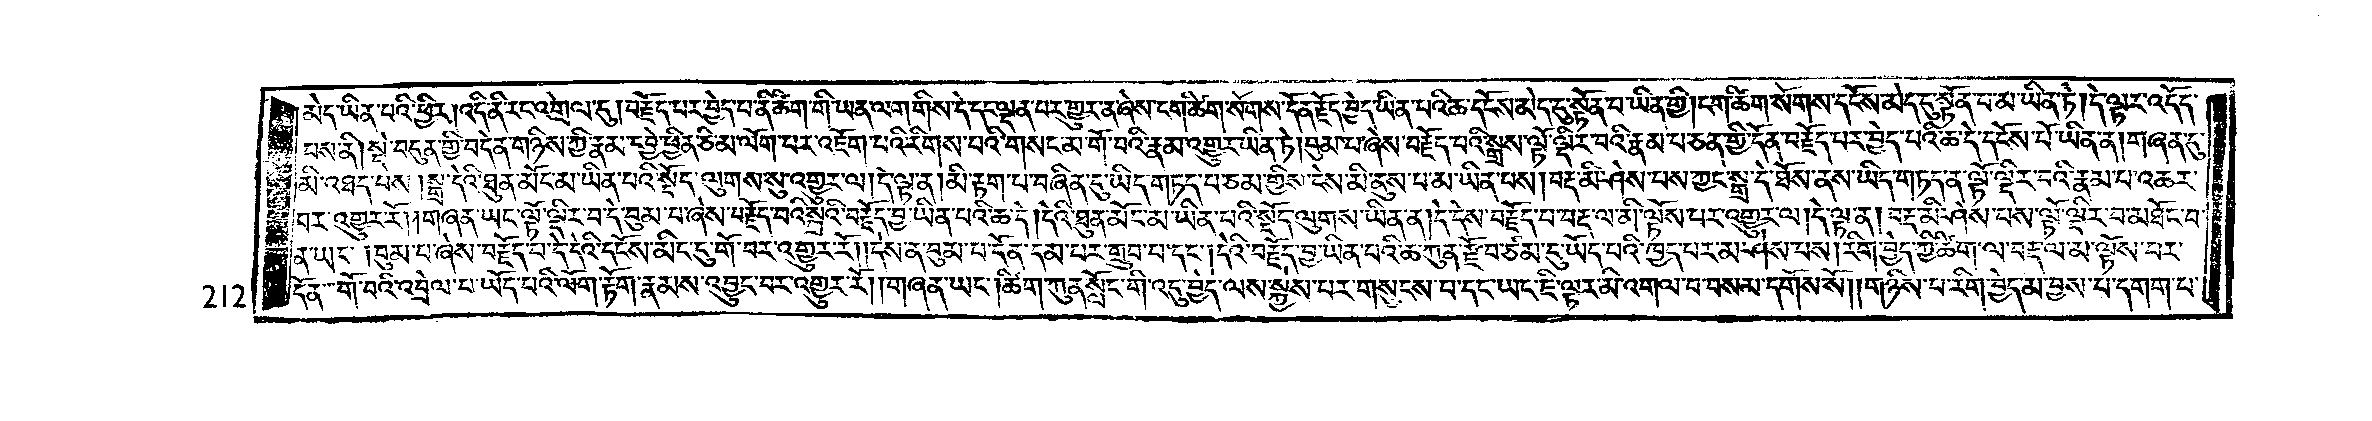མེད་ཡིན་པའི་ཕྱིར། འདི་ནི་རང་འགྲེལ་དུ། བརྗོད་པར་བྱེད་པ་ནི་ཚིག་གི་ཡན་ལག་གིས་དེ་དང་ལྡན་པར་གྱུར་ན་ཞེས་ངག་ཚིག་སོགས་?་དོན་རྗོད་བྱེད་ཡིན་པའི་ཆ་དངོས་མེད་དུ་སྟོན་པ་ཡིན་གྱི། ངག་ཚིག་སོགས་?་དངོས་མེད་དུ་སྟོན་པ་མ་ཡིན་ཏེ། དེ་ལྟར་འདོད་
པས་ནི། སྡེ་བདུན་གྱི་བདེན་གཉིས་ཀྱི་རྣམ་དབྱེ་ཕྱིན་ཅི་མ་ལོག་པར་འཇོག་པའི་རིགས་པའི་གསང་མ་གོ་བའི་རྣམ་འགྱུར་ཡིན་ཏེ། བུམ་པ་ཞེས་བརྗོད་པའི་སྒྲས་ལྟོ་ལྡིར་བའི་རྣམ་པ་ཅན་གྱི་དོན་བརྗོད་པར་བྱེད་པའི་ཆ་དེ་དངོས་པོ་ཡིན་ན། གཞན་དུ་
མི་འཐད་པས། སྒྲ་དེའི་ཐུན་མོང་མ་ཡིན་པའི་སྡོད་ལུགས་སུ་འགྱུར་ལ། དེ་ལྟ་ན། མི་རྟག་པ་བཞིན་དུ་ཡིད་གཏད་པ་ཙམ་གྱིས་ངེས་མི་ནུས་པ་མ་ཡིན་པས། བརྡ་མི་ཤེས་པས་ཀྱང་སྒྲ་དེ་ཐོས་ནས་ཡིད་གཏད་ན་ལྟོ་ལྡིར་བའི་རྣམ་པ་འཆར་
བར་འགྱུར་རོ། །གཞན་ཡང་ལྟོ་ལྡིར་བ་དེ་བུམ་པ་ཞེས་བརྗོད་པའི་སྒྲའི་བརྗོད་བྱ་ཡིན་པའི་ཆ་དེ། དེའི་ཐུན་མོང་མ་ཡིན་པའི་སྡོད་ལུགས་ཡིན་ན། དེ་དེས་བརྗོད་པ་བརྡ་ལ་མི་ལྟོས་པར་འགྱུར་ལ། དེ་ལྟ་ན། བརྡ་མི་ཤེས་པས་ལྟོ་ལྡིར་བ་མཐོང་བ་
ན་ཡང་། བུམ་པ་ཞེས་བརྗོད་པ་དེ་དེའི་དངོས་མིང་དུ་གོ་བར་འགྱུར་རོ། །དེས་ན་བུམ་པ་དོན་དམ་པར་གྲུབ་པ་དང་། དེའི་བརྗོད་བྱ་ཡིན་པའི་ཆ་ཀུན་རྫོབ་ཙམ་དུ་ཡོད་པའི་ཁྱད་པར་མ་ཤེས་པས། རིག་བྱེད་ཀྱི་ཚིག་ལ་བརྡ་ལ་མ་ལྟོས་པར་
དོན་གོ་བའི་འབྲེལ་པ་ཡོད་པའི་ལོག་རྟོག་རྣམས་འབྱུང་བར་འགྱུར་རོ། །གཞན་ཡང་། ཚིག་ཀུན་སློང་གི་འདུ་བྱེད་ལས་སྐྱེས་པར་གསུངས་པ་དང་ཡང་ཇི་ལྟར་མི་འགལ་བ་བསམ་དགོས་སོ། །གཉིས་པ་རིག་བྱེད་མ་བྱས་པ་དགག་པ་